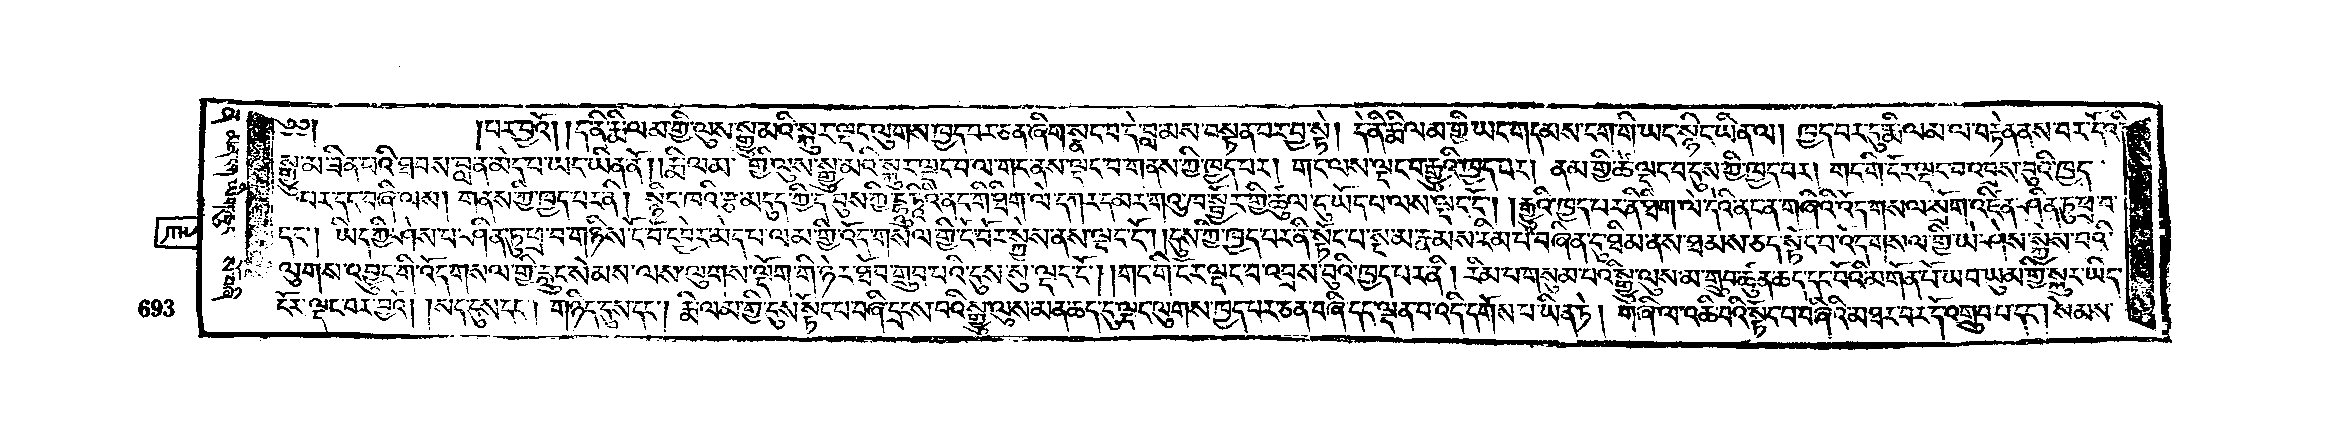༄༅། །པར་བྱའོ། །ད་ནི་རྨི་ལམ་གྱི་ལུས་སྒྱུ་མའི་སྐུར་ལྡང་ལུགས་ཁྱད་པར་ཅན་ཞིག་སྣང་བ་དེ་བླ་མས་བསྟན་པར་བྱ་སྟེ། དེ་ནི་རྨི་ལམ་གྱི་ཡང་གདམས་ངག་གི་ཡང་སྙིང་ཡིན་ལ། ཁྱད་པར་དུ་རྨི་ལམ་ལ་བརྟེན་ནས་བར་དོའི་
སྒྱུ་མ་ཟིན་པའི་ཐབས་བླ་ན་མེད་པ་ཡང་ཡིན་ནོ། །རྨི་ལམ་གྱི་ལུས་སྒྱུ་མའི་སྐུར་ལྡང་བ་ལ་གང་ནས་ལྡང་བ་གནས་ཀྱི་ཁྱད་པར། གང་ལས་ལྡང་བ་རྒྱུའི་ཁྱད་པར། ནམ་གྱི་ཚེ་ལྡང་བ་དུས་ཀྱི་ཁྱད་པར། གང་གི་ངོར་ལྡང་བ་འབྲས་བུའི་ཁྱད་
པར་དང་བཞི་ལས། གནས་ཀྱི་ཁྱད་པར་ནི། སྙིང་ཁའི་རྩ་མདུད་ཀྱི་དབུས་ཀྱི་དྷཱུ་ཏཱིའི་ནང་གི་ཐིག་ལེ་དཀར་དམར་གའུ་ཁ་སྦྱོར་གྱི་ཚུལ་དུ་ཡོད་པ་ལས་ལྡང་ངོ། །རྒྱུའི་ཁྱད་པར་ནི་ཐིག་ལེ་དེའི་ནང་ན་གཞིའི་འོད་གསལ་སྲོག་འཛིན་ཤིན་ཏུ་ཕྲ་བ་
དང་། ཡིད་ཀྱི་ཤེས་པ་ཤིན་ཏུ་ཕྲ་བ་གཉིས་ངོ་བོ་དབྱེར་མེད་པ་ལམ་གྱི་འོད་གསལ་གྱི་ངོ་བོར་སྐྱེས་ནས་ལྡང་ངོ། །དུས་ཀྱི་ཁྱད་པར་ནི་སྟོང་པ་སྔ་མ་རྣམས་རིམ་པ་བཞིན་དུ་ཐིམ་ནས་ཐམས་ཅད་སྟོང་པ་འོད་གསལ་གྱི་ཡེ་ཤེས་སྐྱེས་པའི་
ལུགས་འབྱུང་གི་འོད་གསལ་གྱི་རླུང་སེམས་ལས་ལུགས་ལྡོག་གི་ཉེར་ཐོབ་གྲུབ་པའི་དུས་སུ་ལྡང་ངོ། །གང་གི་ངོར་ལྡང་བ་འབྲས་བུའི་ཁྱད་པར་ནི། རིམ་པ་གསུམ་པའི་སྒྱུ་ལུས་མ་གྲུབ་ཚུན་ཆད་དང་པོའི་མགོན་པོ་ཡབ་ཡུམ་གྱི་སྐུར་ཡིད་
ངོར་ལྡང་བར་བྱའོ། །སད་དུས་དང་། གཉིད་དུས་དང་། རྨི་ལམ་གྱི་དུས་སྟོང་པ་བཞི་དྲངས་པའི་སྒྱུ་ལུས་མན་ཆད་དུ་ལྡང་ལུགས་ཁྱད་པར་ཅན་བཞི་དང་ལྡན་པ་འདི་དགོས་པ་ཡིན་ཏེ། གཞི་ལ་འཆི་བའི་སྟོང་པ་བཞིའི་མཐར་བར་དོ་འགྲུབ་པ་དང་། སེམས་